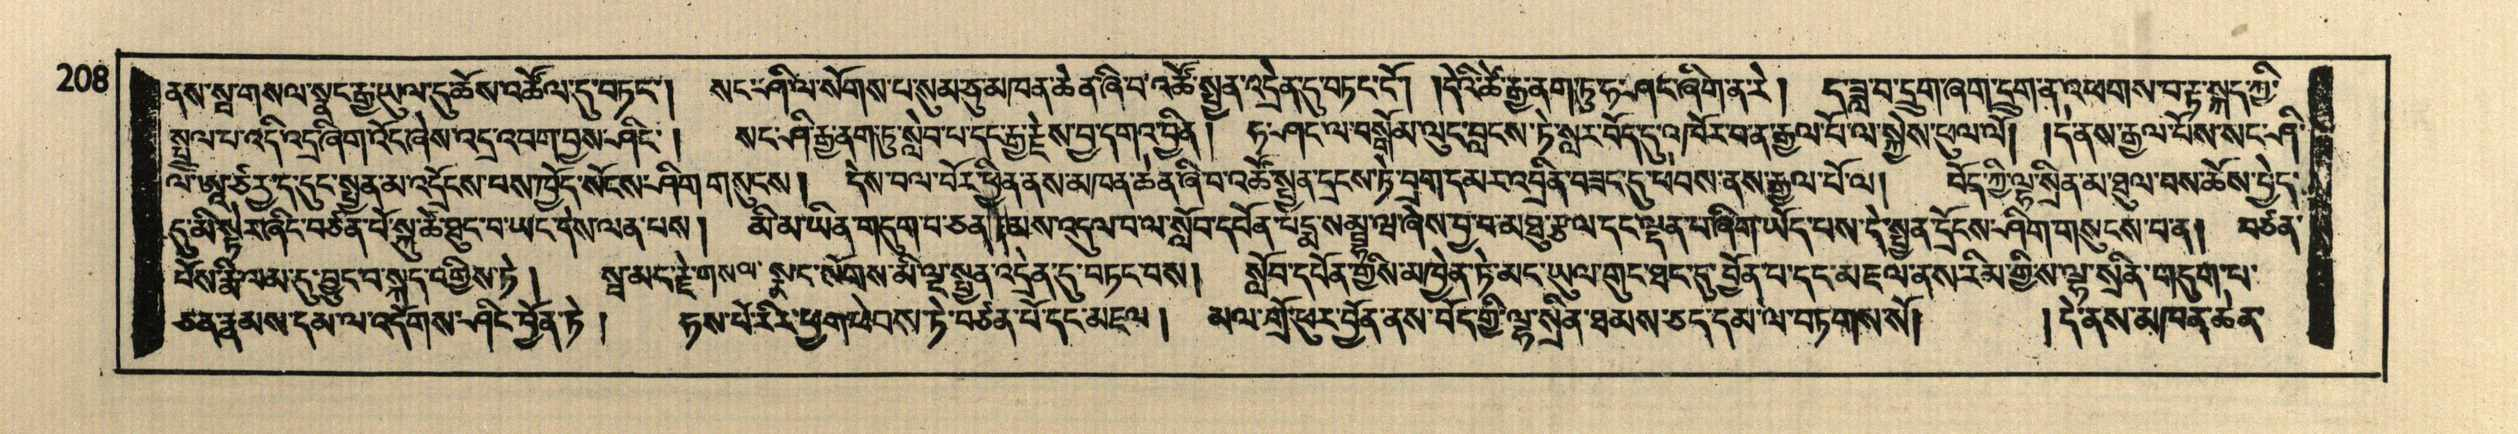ནས་སྤ་གསལ་སྣང་རྒྱ་ཡུལ་དུ་ཆོས་འཚལ་དུ་བཏང་། སང་ཤི་ལ་སོགས་པ་སུམ་ཅུ་མཁན་ཆེན་ཞི་བ་འཚོ་སྤྱན་འདྲེན་དུ་བཏང་ངོ། །དེའི་ཚེ་རྒྱ་ནག་ཏུ་ཧ་ཤང་ཞིག་ན་རེ། ད་ཟླ་བ་དྲུག་ཞག་དྲུག་ན་འཕགས་བ་རྟ་སྐད་ཀྱི་
སྤྲུལ་པ་འདི་འདྲ་ཞིག་འོང་ཞེས་འདྲ་འབག་བྱས་ཤིང་། སང་ཤི་རྒྱ་ནག་ཏུ་སླེབ་པ་དང་རྒྱ་རྗེས་བྱ་དགའ་བྱིན། ཧ་ཤང་ལ་བསྒོམ་ལུང་བླངས་ཏེ་སླར་བོད་དུ་འཁོར་བ་ན་རྒྱལ་པོ་ལ་སྐྱེས་ཕུལ་ལོ། །དེ་ནས་རྒྱལ་པོས་སང་ཤི་
ལ་ཨཱ་ཙརྱ་ད་དུང་སྤྱན་མ་འདྲོངས་པས་ཁྱོད་སོངས་ཤིག་གསུངས། དེས་བལ་བོར་ཕྱིན་ནས་མཁན་ཆེན་ཞི་བ་འཚོ་སྤྱན་དྲངས་ཏེ་བྲག་དམར་འབྲིན་བཟང་དུ་ཕེབས་ནས་རྒྱལ་པོ་ལ། བོད་ཀྱི་ལྷ་སྲིན་མ་ཐུལ་བས་ཆོས་བྱེད་
དུ་མི་སྟེར་ཞིང་བཙན་པོ་སྐུ་ཚེ་ཐུང་བ་ཡང་དེས་ལན་པས། མི་མ་ཡིན་གདུག་པ་ཅན་རྣམས་འདུལ་བ་ལ་སློབ་དཔོན་པདམ་སམྦྷ་ཝ་ཞེས་བྱ་བ་མཐུ་རྩལ་དང་ལྡན་པ་ཞིག་ཡོད་པས་དེ་སྤྱན་བདྲོངས་ཤིག་གསུངས་པ་ན། བཙན་
པོས་རྨི་ལམ་དུ་བྱུང་བ་སྐད་བགྱིས་ཏེ། སྦ་མང་རྗེ་གསལ་སྣང་ལོགས་མི་ལྔ་སྤྱན་འདྲེན་དུ་བཏང་བས། སློབ་དཔོན་གྱིས་མཁྱེན་ཏེ་མང་ཡུལ་གུང་ཐང་དུ་བྱོན་པ་དང་མཇལ་ནས་རིམ་གྱིས་ལྷ་སྲིན་གདུག་པ་
ཅན་རྣམས་དམ་ལ་འདོགས་ཤིང་བྱིན་ཏེ། ཧ་ས་པོ་རིར་ཕྱག་ཕེབས་ཏེ་བཙན་པོ་དང་མཇལ། མལ་གྲོ་ཕུར་བྱོན་ནས་བོད་ཀྱི་ལྷ་སྲིན་ཐམས་ཅད་དམ་ལ་བཏགས་སོ། །དེ་ནས་མཁན་ཆེན་